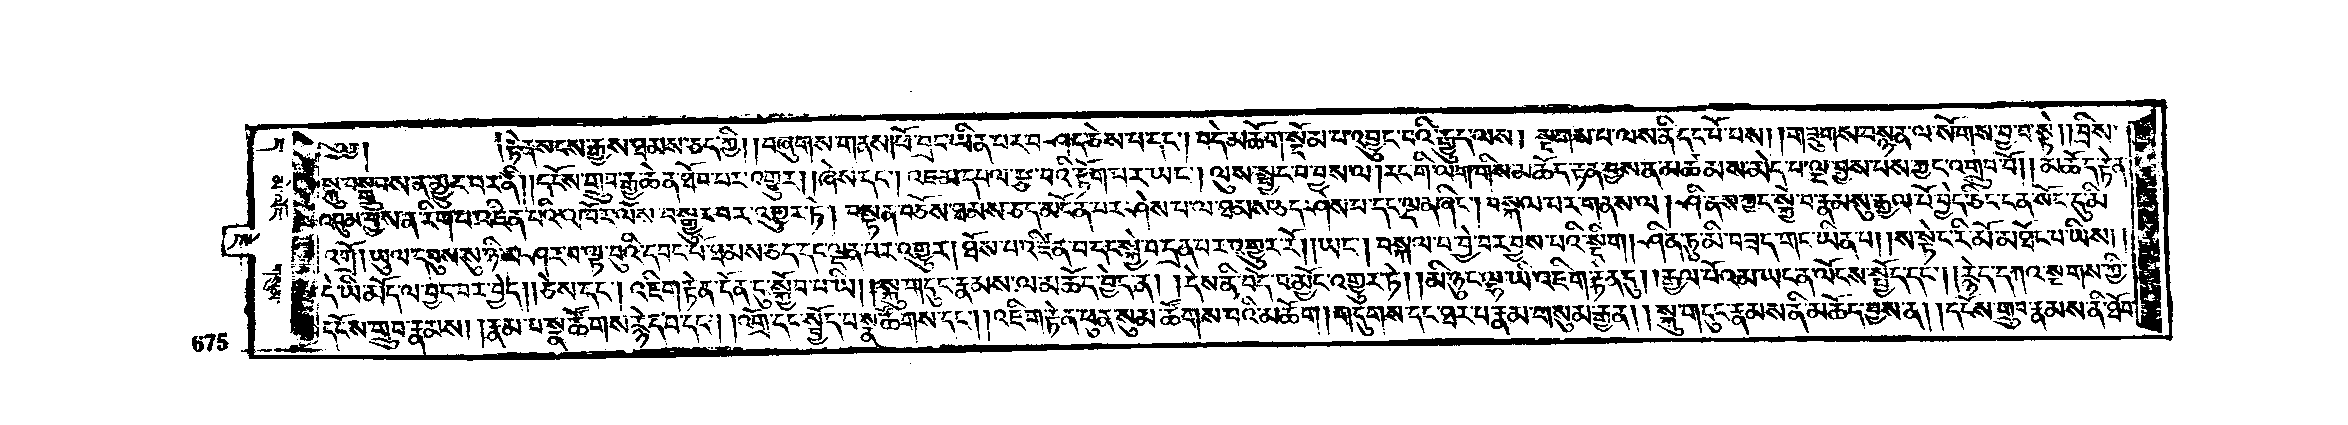༄༅། །རྟེན་སངས་རྒྱས་ཐམས་ཅད་ཀྱི། །བཞུགས་གནས། ཕོ་བྲང་ཡིན་པར་བཤད་ཅེས་པ་དང་། བདེ་མཆོག་སྡོམ་པ་འབྱུང་བའི་རྒྱུད་ལས། སྔགས་པ་ལས་ནི་དང་པོ་པས། །གཟུགས་བསྙན་ལ་སོགས་བྱ་བ་སྟེ། །བྲིས་
སྐུ་བསྒྲུབས་ན་མྱུར་བར་ནི། །དངོས་གྲུབ་རྒྱ་ཆེན་ཐོབ་པར་འགྱུར། །ཞེས་དང་། འཇམ་དཔལ་རྩ་བའི་རྟོག་པར་ཡང་། ལུས་སྦྱང་བ་བྱས་ལ། རང་གི་ལག་གིས་མཆོད་རྟན་བྱས་ན་མཚམས་མེད་པ་ལྔ་བྱས་པས་ཀྱང་འགྲུབ་བོ། །མཆོད་རྟེན་
འབུམ་གྱིས་ན་རིག་པ་འཛིན་པའི་འཁོར་ལོས་བསྒྱུར་བར་འགྱུར་ཏེ། བསྟན་བཅོས་ཐམས་ཅད་མངོན་པར་ཤེས་པ་ལ་ཐམས་ཅད་ཤེས་པ་དང་ལྡན་ཞིང་། བསྐལ་པར་གནས་ལ། ཤི་ནས་ཀྱང་སྐྱེ་བ་རྣམས་སུ་རྒྱལ་པོ་བྱེད་ཅིང་ངན་སོང་དུ་མི་
འགྲོ་།ཡུལ་དབུས་སུ་ཉི་མ་ཤར་བ་ལྟ་བུའི་དབང་པོ་ཐམས་ཅད་དང་ལྡན་པར་འགྱུར། ཐོས་པ་འཛིན་པ་དང་སྐྱེ་བ་དྲན་པར་འགྱུར་རོ། །ཡང་། བསྐལ་པ་བྱེ་བར་བྱས་པའི་སྡིག །ཤིན་ཏུ་མི་བཟད་གང་ཡིན་པ། །ས་སྟེང་རི་མོ་མཐོང་པ་ཡིས། །
དེ་ཡི་མོད་ལ་བྱང་བར་བྱེད། །ཅེས་དང་། འཇིག་རྟེན་དོན་དུ་སྐྱོབ་པ་ཡི། །སྐུ་གདུང་རྣམས་ལ་མཆོད་བྱེད་ན། །དེས་ནི་བདེ་བ་མྱོང་འགྱུར་ཏེ། །མི་ཉུང་ལྷ་ཡི་འཇིག་རྟེན་དུ། །རྒྱལ་པོའམ་ཡང་ན་ལོངས་སྤྱོད་དང་། །རྙེད་དཀའ་སྔགས་ཀྱི་
དངོས་གྲུབ་རྣམས། །རྣམ་པ་སྣ་ཚོགས་རྙེད་པ་དང་། །འགྲོ་དང་སྤྱོད་པ་སྣ་ཚོགས་དང་། །འཇིག་རྟེན་ཕུན་སུམ་ཚོགས་པའི་མཆོག །གདུགས་དང་ཐར་པ་རྣམ་གསུམ་རྒྱན། །སྐུ་གདུང་རྣམས་ནི་མཆོད་བྱས་ན། །དངོས་གྲུབ་རྣམས་ནི་ཐོབ་